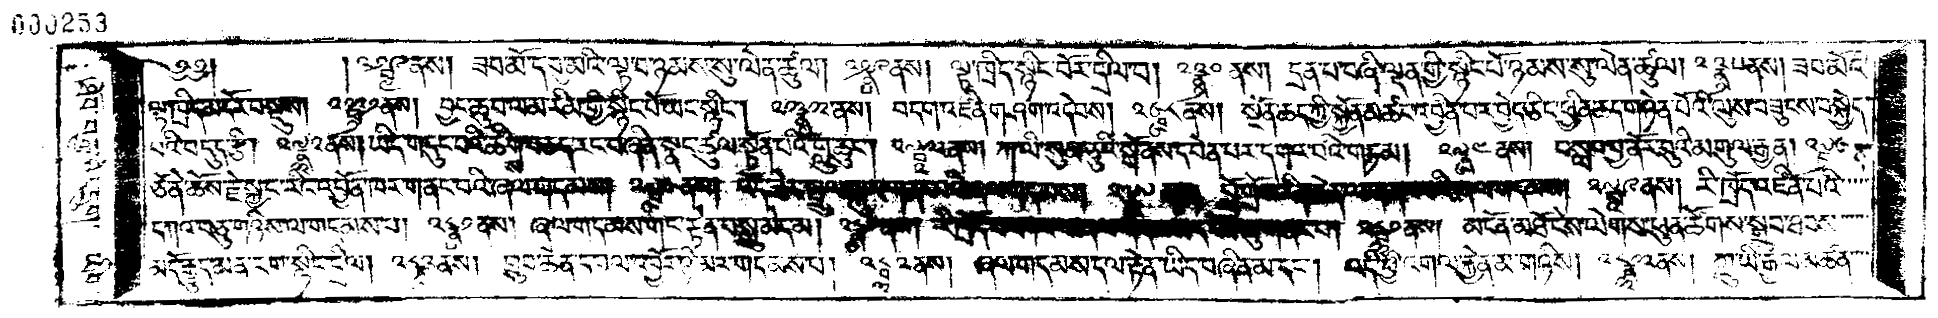༄༅། །༢༡༩བ༤་ནས། ཟབ་མོ་དབུ་མའི་ལྟ་བ་ཉམས་སུ་ལེན་ཚུལ། ༢༡༩ན༥་ནས། ལྟ་ཁྲིད་སྙིང་བོར་དྲིལ་བ། ༢༢༠ན༡་ནས། དྲན་པ་བཞི་ལྡན་གྱི་སྙིང་པོ་ཉམས་སུ་ལེན་ཚུལ། ༢༢༥ན༡་ནས། ཟབ་མོའི་
ལྟ་ཁྲིད་མདོར་བསྡུས། ༢༣༡བ༡་ནས། བྱང་ཆུབ་ལམ་རིམ་གྱི་སྙིང་པོ་ཡང་སྙིང་། ༢༣༣ན༤་ནས། བདག་འཛིན་གཤག་འདེབས། ༢༦༨བ༦་ནས། སྔོན་ཆད་ཀྱི་སྐྱོན་མཚང་འབྱིན་པར་བྱེད་ཅིང་ཕྱིན་ཆད་གཉེན་པོའི་ལུས་བཟུངས་བསྐྱེད་
པའི་བདུད་རྩི། ༢༧༢ན༣་ནས། ཡིད་གདུང་བའི་ཚིགས་བཅད་རང་བཞིན་སྣང་ཚུལ་སྟོན་པའི་གླུ་ཆུང་། ༢༧༣བ༢་ནས། ཀ་ལི་སུམ་ཅུའི་སྒོ་ནས་དབེན་པར་དགའ་བའི་གཏམ། ༢༧༤ན༦་ནས། བསླབ་བྱ་ནོར་བུའི་མགུལ་རྒྱན། ༢༧༦བ༡་ན་
ཅོ་ནེ་ཆོས་རྗེ་སྐྱང་རིང་འབྱོན་ཁར་གནང་བའི་ཞལ་གདམས། ༢༧༦བ༦་ནས། འོད་ཟེར་སྤྲུལ་སྐུར་གནང་བའི་ཞལ་གདམས། ༢༧༧ན༥་ནས། བློ་གྲོས་རིན་ཆེན་ལ་གནང་བའི་ཞལ་གདམས། ༢༧༩བ༢་ནས། རི་ཁྲོད་འཛིན་པའི་
དཀའ་བཅུ་གཉིས་ལ་གདམས་པ། ༢༨༡ན༥་ནས། ཞལ་གདམས་གང་རྟེན་བསླུ་མེད་མ། ༢༨༡ན༦་ནས། རི་ཁྲོད་པ་འགའ་ལ་ཞལ་གདམས་དངོས་སུ་གནང་བ། ༢༨༡བ༣་ནས། མངོན་མཐོ་ངེས་ལེགས་ཕུན་ཚོགས་སྒྲུབ་ཐབས་
མདོ་རྒྱུད་མན་ངག་སྙིང་དྲིལ། ༢༨༢ད༦་ནས། གྲུབ་ཆེན་དཔལ་འབྱོར་ཉི་མར་གདམས་པ། ༢༨༢བ༣་ནས། ཞལ་གདམས་དལ་རྟེན་ཡིད་བཞིན་མ་དང་། འདི་ཕྱི་འགལ་རྐྱེན་མ་གཉིས། ༢༨༣ན༣་ནས། ཀླུ་ཡི་རྒྱལ་མཚན་